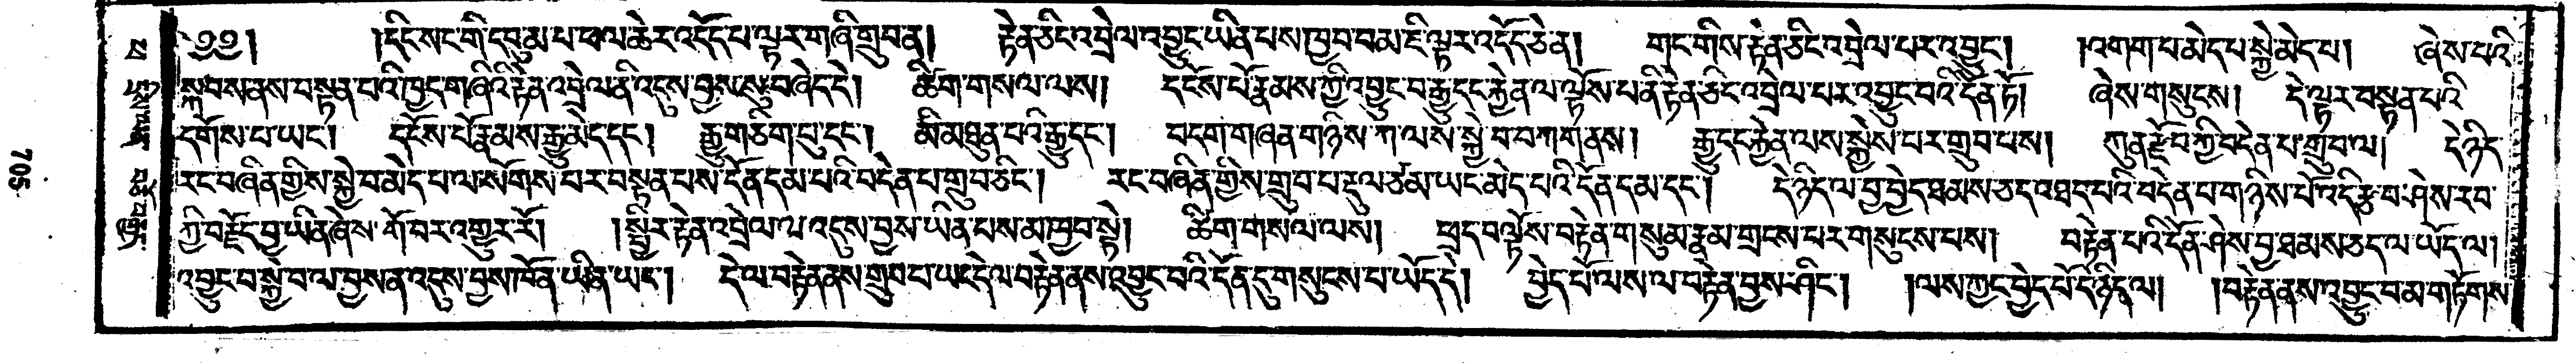༄༅། །དིང་སང་གི་དབུ་མ་པ་ཕལ་ཆེར་འདོད་པ་ལྟར་གཞི་གྲུབ་ན། རྟེན་ཅིང་འབྲེལ་འབྱུང་ཡིན་པས་ཁྱབ་བམ་ཇི་ལྟར་འདོད་ཅེ་ན། གང་གིས་རྟེན་ཅིང་འབྲེལ་པར་འབྱུང་། །འགག་པ་མེད་པ་སྐྱེ་མེད་པ། ཞེས་པའི་
སྐབས་ནས་བསྟན་པའི་ཁྱད་གཞིའི་རྟེན་འབྲེལ་ནི་འདུས་བྱས་སུ་བཞེད་དེ། ཚིག་གསལ་ལས། དངོས་པོ་རྣམས་ཀྱི་འབྱུང་བ་རྒྱུ་དང་རྐྱེན་ལ་ལྟོས་པ་ནི་རྟེན་ཅིང་འབྲེལ་པར་འབྱུང་བའི་དོན་ཏོ། ཞེས་གསུངས། དེ་ལྟར་བསྟན་པའི་
དགོས་པ་ཡང་། དངོས་པོ་རྣམས་རྒྱུ་མེད་དང་། རྒྱུ་གཅིག་པུ་དང་། མི་མཐུན་པའི་རྒྱུ་དང་། བདག་གཞན་གཉིས་ཀ་ལས་སྐྱེ་བ་བཀག་ནས། རྒྱུ་དང་རྐྱེན་ལས་སྐྱེས་པར་གྲུབ་པས། ཀུན་རྫོབ་ཀྱི་བདེན་པ་གྲུབ་ལ། དེ་ཉིད་
རང་བཞིན་གྱིས་སྐྱེ་བ་མེད་པ་ལ་སོགས་པར་བསྟན་པས་དོན་དམ་པའི་བདེན་པ་གྲུབ་ཅིང་། རང་བཞིན་གྱིས་གྲུབ་པ་རྡུལ་ཙམ་ཡང་མེད་པའི་དོན་དམ་དང་། དེ་ཉིད་ལ་བྱ་བྱེད་ཐམས་ཅད་འཐད་པའི་བདེན་པ་གཉིས་པོ་འདི་རྩ་བ་ཤེས་རབ་
ཀྱི་བརྗོད་བྱ་ཡིན་ཞེས་གོ་བར་འགྱུར་རོ། །སྤྱིར་རྟེན་འབྲེལ་ལ་འདུས་བྱས་ཡིན་པས་མ་ཁྱབ་སྟེ། ཚིག་གསལ་ལས། ཕྲད་བལྟོས་བརྟེན་གསུམ་རྣམ་གྲངས་པར་གསུངས་པས། བརྟེན་པའི་དོན་ཤེས་བྱ་ཐམས་ཅད་ལ་ཡོད་ལ།
འབྱུང་བ་སྐྱེ་བ་ལ་བྱས་ན་འདུས་བྱས་ཁོ་ན་ཡིན་ཡང་། དེ་ལ་བརྟེན་ནས་གྲུབ་པ་ཡང་དེ་ལ་བརྟེན་ནས་འབྱུང་བའི་དོན་དུ་གསུངས་པ་ཡོད་དེ། བྱེད་པོ་ལས་ལ་བརྟེན་བྱས་ཤིང་། །ལས་ཀྱང་བྱེད་པོ་དེ་ཉིད་ལ། །བརྟེན་ནས་འབྱུང་བ་མ་གཏོགས་